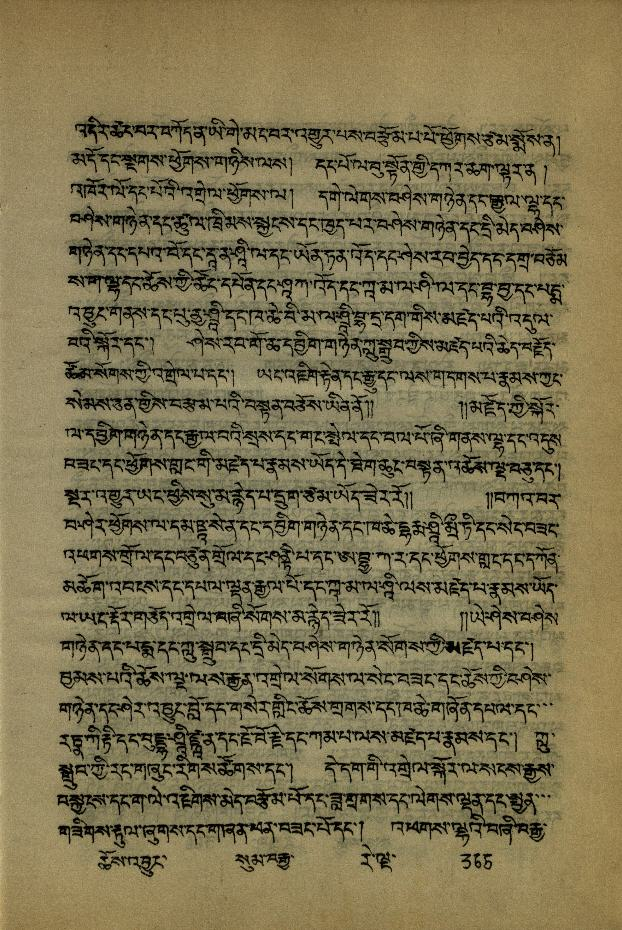འདིར་ཚང་བར་བཀོད་ན་ཡི་གེ་མང་བར་འགྱུར་པས་བརྩོམ་པ་པོ་ཕོགས་རྩམ་སྨོས་ན།
མདོ་དང་སྔགས་ཕྱོགས་གཉིས་ལས། དང་པོ་ལ་བུ་སྟོན་གྱི་དཀར་ཆག་ལྟར་ན།
འཁོར་ལོ་དང་པོའི་འགྲེལ་ཕྱོགས་ལ། དགེ་ལེགས་བཤེས་གཉེན་དང་རྒྱལ་ལྷ་དང་
བཤེས་གཉེན་དང་ཚུལ་ཁྲིམས་སྐྱངས་དང་ཁྱད་པར་བཤེས་གཉེན་དང་དྲི་མེད་བཤིས་
གཉེན་དང་དཔའ་བོ་དང་དཱ་ན་ཤཱི་ལ་དང་ཡོན་ཏན་འོད་དང་ཤེས་རབ་བྱེད་དང་དགྲ་བཅོམ་
ས་ག་ལྷ་དང་ཆོས་ཀྱི་ཚོང་དཔོན་དང་ཤཱཀ་འོད་དང་ཀཱ་མ་ལ་ཤི་ལ་དང་བྷ་བྱ་དང་པདམ་
འབྱུང་གནས་དང་པུ་ནྱ་ཤྲཱི་དང་ཁ་ཆེ་བི་མ་ལ་ཤྲཱི་བྷ་དྲ་དག་གིས་མཛད་པའི་འདུལ་
བའི་སྐོར་དང་། ཤེས་རབ་གོ་ཆ་དབྱིག་གཉེན་ཀླུ་སྒྲུབ་ཀྱིས་མཛད་པའི་ཆེད་བརྗོད་
ཚོམ་སོགས་ཀྱི་འགྲེལ་པ་དང་། ཡང་འཇིག་རྟེན་དང་རྒྱུ་དང་ལས་གདགས་པ་རྣམས་ཀྱང་
སེམས་ཅན་གྱིས་བརྩམ་པའི་བསྟན་བཅོས་ཡིན་ནོ།། །།མཛོད་ཀྱི་སྐོར་
ལ་དབྱིག་གཉེན་དང་རྒྱ་པའི་སྲས་དང་གང་སྤེལ་དང་བ་ལ་པོ་ཞི་གནས་ལྷ་དང་འདུས་
བཟང་དང་ཕྱོགས་གླང་གི་མཛད་པ་རྣམས་ཡོད་དེ་ཐེག་ཆུང་བསྟན་འཆོས་ལྔ་བཅུ་དང་།
སྔར་འགྱུར་ཡང་ཕྱིས་སུ་མ་རྙེད་པ་དྲུག་ཙམ་ཡོད་ཟེར་རོ།། །།བཀའ་བར་
བཤེར་ཕྱོགས་ལ་དམ་ཊཿཨཱ་སེ་ན་དང་དབྱིག་གཉེན་དང་ཁ་ཆེ་དྷ་རྨ་ཤྲཱི་མྲྀ་ཏི་དང་སེང་བཟང་
འཕགས་གྲོ་ལ་དང་བཙུན་གྲོལ་དང་ཤནྟི་པ་དང་ཨ་བྷྱ་ཀ་ར་དང་ཕྱོགས་གླང་དང་དཀོན་
མཆོག་འབངས་དང་དཔལ་ལྡན་རྒྱལ་པོ་དང་ཀཱ་མ་ལ་ཤཱི་ལས་མཛད་པ་རྣམས་ཡོད་
ལ་ཡང་རྡོར་གཅོད་འགྲེལ་བཞི་སོགས་མ་རྙེད་ཟེར་རོ།། །།ཡེ་ཤེས་བཤེས་
གཉེན་དང་པདམ་དང་ཀླུ་སྒྲུབ་དང་དྲི་མེད་བཤེས་གཉེན་སོགས་ཀྱི་མཛད་པ་དང་།
བྱམས་པའི་ཆོས་ལྔ་ལས་རྒྱན་འགྲེལ་སོགས་ལ་སེང་བཟང་དང་ཆོས་ཀྱི་བཤེས་
གཉེན་དང་ཤེར་འབྱུང་བློ་དང་གསེར་གླིང་ཆོས་གྲགས་དང་ཁ་ཆེ་གཞོན་དཔལ་དང་
རཏྣ་ཀིརྟི་དང་བུདྡྷ་ཤྲཱི་ཛྙཱ་ན་དང་ཇོ་བོ་རྗེ་དང་ཀ་མ་པ་ལས་མཛད་པ་རྣམས་དང་། ཀླུ་
སྒྲུབ་ཀྱི་རང་གཞུང་རིགས་ཚོགས་དང་། དེ་དག་གི་འགྲེལ་སྐོར་ལ་སངས་རྒྱས་
བསྐྱངས་དང་ག་ལེ་འཇིགས་མེད་བརྩོམ་པོ་དང་ཟླ་གྲགས་དང་ལེགས་ལྡན་དང་སྤྱན་
གཟིགས་རྟུལ་ཞུགས་དང་གཞན་ཕན་བཟང་པོ་དང་། འཕགས་ལྷའི་བཞི་རྒྱ་